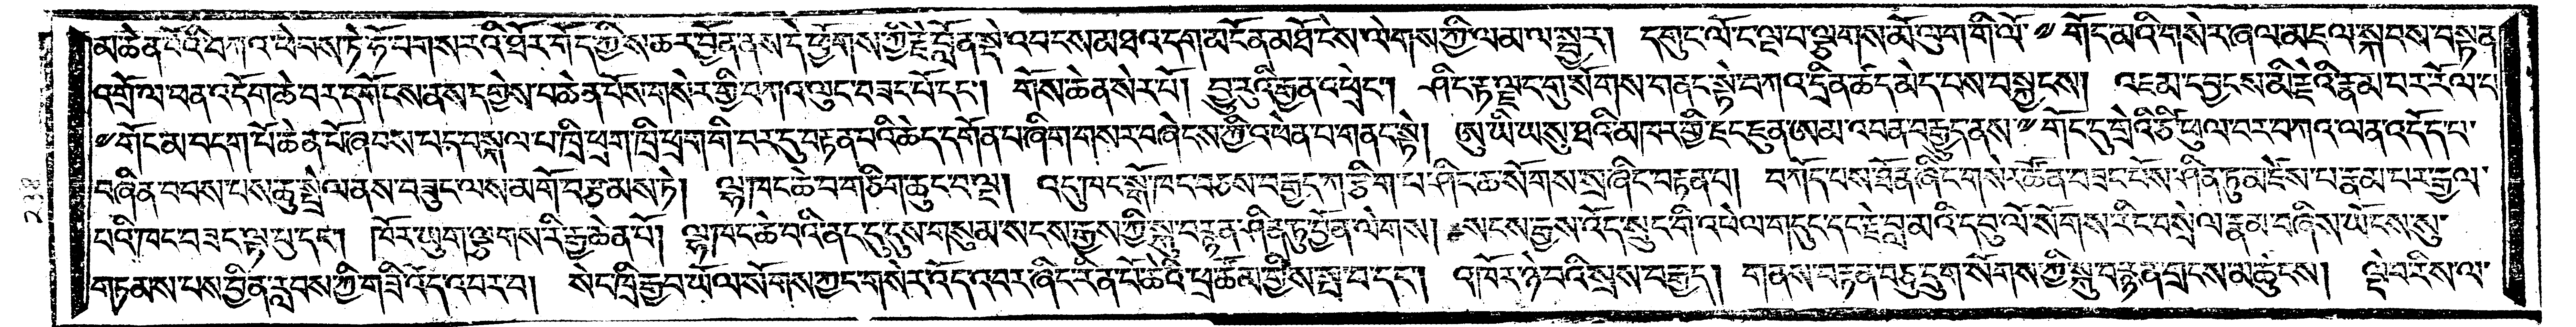མ་ཆེན་པོའི་བཀའ་ཕེབས་ཏེ་ཧོ་པགས་རའི་ཐོར་གོད་ཀྱིས་ཆར་བྱོན་ནས་དེ་ཕྱོགས་ཀྱི་རྗེ་བློན་སྡེ་འབངས་མཐའ་དག་མངོན་མཐོ་ངེས་ལེགས་ཀྱི་ལམ་ལ་སྦྱར། དགུང་ལོ་ང་ལྔ་པ་ལྕགས་མོ་ལུག་གི་ལོ ༧་གོང་མའི་གསེར་ཞལ་མཇལ་སྐབས་བསྟན་
འགྲོ་ལ་ཕན་འདོག་ཆེ་བར་དགོངས་ནས་དགྱེས་པ་ཆེན་པོས་གསེར་གྱི་བཀའ་ལུང་བཟང་པོ་དང་། གོས་ཆེན་སེར་པོ། བྱུ་རུའི་རྒྱན་འཕྲེང་། ཤིང་རྟ་ལྗང་གུ་སོགས་གནང་སྟེ་བཀའ་དྲིན་ཚད་མེད་པས་བསྐྱངས། འཇམ་དབྱངས་མི་རྗེའི་རྣམ་པར་རོལ་པ་
༧་གོང་མ་བདག་པོ་ཆེན་པོ་ཞབས་པད་བསྐལ་པ་ཁྲི་ཕྲག་ཁར་ཕྲག་གི་བར་དུ་བརྟན་པའི་ཆེད་དགོན་པ་ཞིག་གསར་བཞེངས་ཀྱི་འཕེན་པ་གནང་སྟེ། ཨུ་ཡི་ཡ་སུ་ཐའི་མཁར་གྱི་ཇང་ཇུན་ཨམ་འབན་བརྒྱུད་ནས ༧་གོང་དུ་གྲེའི་ཙི་ཕུལ་བར་བཀའ་ལན་འདོད་པ་
བཞིན་བབས་པས་ཆུ་སྤྲེལ་ནས་བཟུང་ལས་མགོ་བརྩམས་ཏེ། ལྷ་ཁང་ཆེ་བ་གཅིག་ཆུང་བ་ལྔ། འདུ་ཁང་སྒོ་ཁང་བཅས་བརྒྱད་ཀ་རྩིག་པ་ཤིང་ཆ་སོགས་སྲ་ཞིང་བརྟན་པ། བཀོད་པས་ཐོན་ཞིང་གསེར་ཚོན་བཟང་པོས་ཤིན་ཏུ་མཛེས་པ་རྣམ་པར་རྒྱལ་
པའི་ཁང་བཟང་ལྟ་བུ་དང་། ཁོར་ཡུག་ལྕགས་རི་རྒྱ་ཆེན་པོ། ལྷ་ཁང་ཆེ་བའི་ནང་དུ་དུས་གསུམ་སངས་རྒྱས་ཀྱི་སྐུ་བརྙན་ཤིན་ཏུ་བྱོན་ལེགས། སངས་རྒྱས་འོད་སྲུང་གི་འཕེལ་གདུང་དང་རྗེ་བླ་མའི་དབུ་ལོ་སོགས་རིང་བསྲེལ་རྣམ་བཞིས་ཡོངས་སུ་
གཏམས་པས་བྱིན་རླབས་ཀྱི་གཟི་འོད་འབར་བ། སེང་ཁྲི་རྒྱབ་ཡོལ་སོགས་ཀྱང་གསེར་འོད་འབར་ཞིང་རིན་པོ་ཆེའི་ཕྲ་ཚོམ་གྱིས་སྤ་བ་དང་། འཁོར་ཉེ་བའི་སྲས་བརྒྱད། གནས་བརྟན་བཅུ་དྲུག་སོགས་ཀྱི་སྐུ་བརྙན་གྲངས་མཚུངས། ལྡེབ་རིས་ལ་